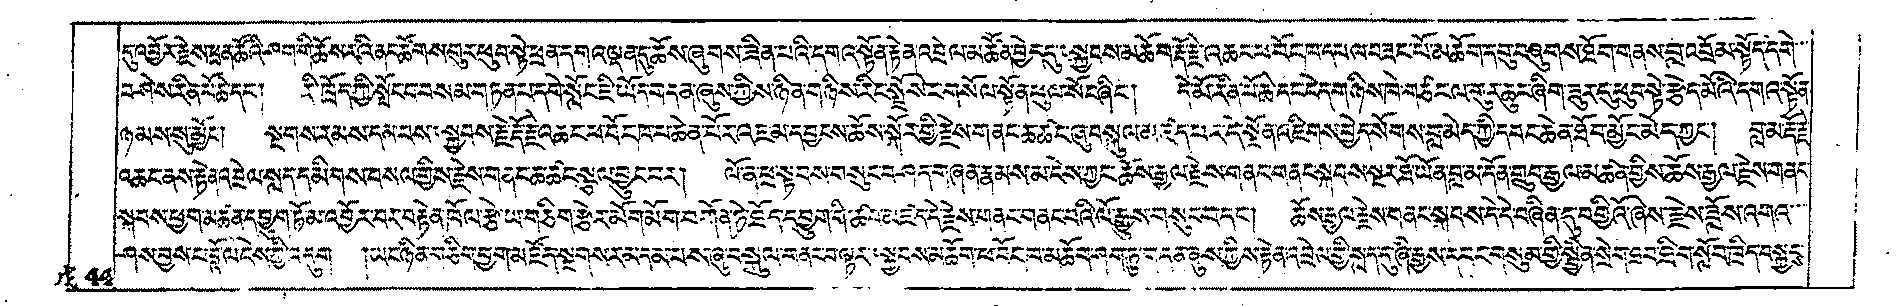དུ་འབྱོར་རྗེས་ཕྲན་ཚོའི་ཤག་གི་ཆོས་རའི་ནང་ཚོགས་གུར་ཕུབ་སྟེ་ཕྲན་དགའ་ལྡན་དུ་ཆོས་ཞུགས་ཟིན་པའི་དགའ་སྟོན་རྟེན་འབྲེལ་མཚོན་བྱེད་དུ ༧སྐྱབས་མཆོག་རྡོ་རྗེ་འཆང་ཕ་བོང་ཁ་དཔལ་བཟང་པོ་མཆོག་དབུ་བཞུགས་ཐོག་གནས་བླ་འབྲོམ་སྟོད་དགེ་
བཤེས་རིན་པོ་ཆེ་དང་། རི་ཁྲོད་ཀྱི་སྤོང་བ་བསམ་གཏན་པ་དགེ་སློང་ཇི་ཡོད་གདན་ཞུས་ཀྱིས་ཉིན་གཉིས་རིང་སྤྲོ་སེང་གསོལ་སྟོན་ཕུལ་སོང་ཞིང་། དེ་མོ་རིན་པོ་ཆེ་དང་ངེད་གཉིས་ཁེ་གཙང་ལ་གུར་ཆུང་ཞིག་ཟུར་དུ་ཕུབ་སྟེ་རྩེད་མོའི་དགའ་སྟོན་
ཉམས་སུ་མྱོང་། སྔགས་རམས་དམ་པས ༧སྐྱབས་རྗེ་རྡོ་རྗེ་འཆང་ཕ་བོང་ཁ་པ་ཆེན་པོར་འཇམ་དབྱངས་ཆོས་སྐོར་གྱི་རྗེས་གནང་ཆ་ཚང་ཞུ་བསྐུལ་མཛད་པར་དེ་སྔོན་འཇིགས་བྱེད་སོགས་བླ་མེད་ཀྱི་དབང་ཆེན་ཐོབ་མྱོང་མེད་ཀྱང་། བླ་མ་རྡོ་རྗེ་
འཆང་ནས་རྟེན་འབྲེལ་སླད་དམིགས་བསལ་གྱིས་རྗེས་གནང་ཆ་ཚང་སྩལ་བྱུང་བར། ལོ་ན་ཕྲ་སྟབས་གསུང་བཤད་གཞན་རྣམས་མ་ངེས་ཀྱང་ཆོས་རྒྱལ་རྗེས་གནང་གནང་སྐབས་སྔར་ཐོ་ཡོན་བླ་མ་དོན་གྲུབ་རྒྱལ་མཚན་གྱིས་ཆོས་རྒྱལ་རྗེས་གནང་
སྐབས་ཕྱག་མཚན་དབྱུག་ཏོ་མ་འབྱོར་བར་བརྟེན་ཁོལ་རྩེ་ཡ་གཅིག་རྩེར་མོག་མོག་བཀོན་ཏེ་ཐོད་དབྱུག་གི་ཚབ་མཛད་དེ་རྗེས་གནང་གནང་བའི་ལོ་རྒྱུས་གསུང་བ་དང་། ཆོས་རྒྱལ་རྗེས་གནང་སྐབས་དེ་དེ་བཞིན་དུ་བགྱིའོ་ཞེས་རྗེས་ཟློས་འགའ་
ཤས་བྱས་པ་བློ་ལ་ངེས་ཀྱི་འདུག །ཡང་ཉིན་གཅིག་ཕྱག་མཛོད་སྔགས་རམ་དམ་པས་ཞུ་བསྐུལ་གནང་བ་ལྟར ༧སྐྱབས་མཆོག་ཕ་བོང་ཁ་མཆོག་ཤག་ཏུ་གདན་ཞུས་ཀྱིས་རྟེན་འབྲེལ་གྱི་སླད་དུ་ཞི་རྒྱས་དབང་གསུམ་གྱི་སྦྱིན་སྲེག་ཐབ་ཐིག་སློབ་ཁྲིད་བསྐྱངས་